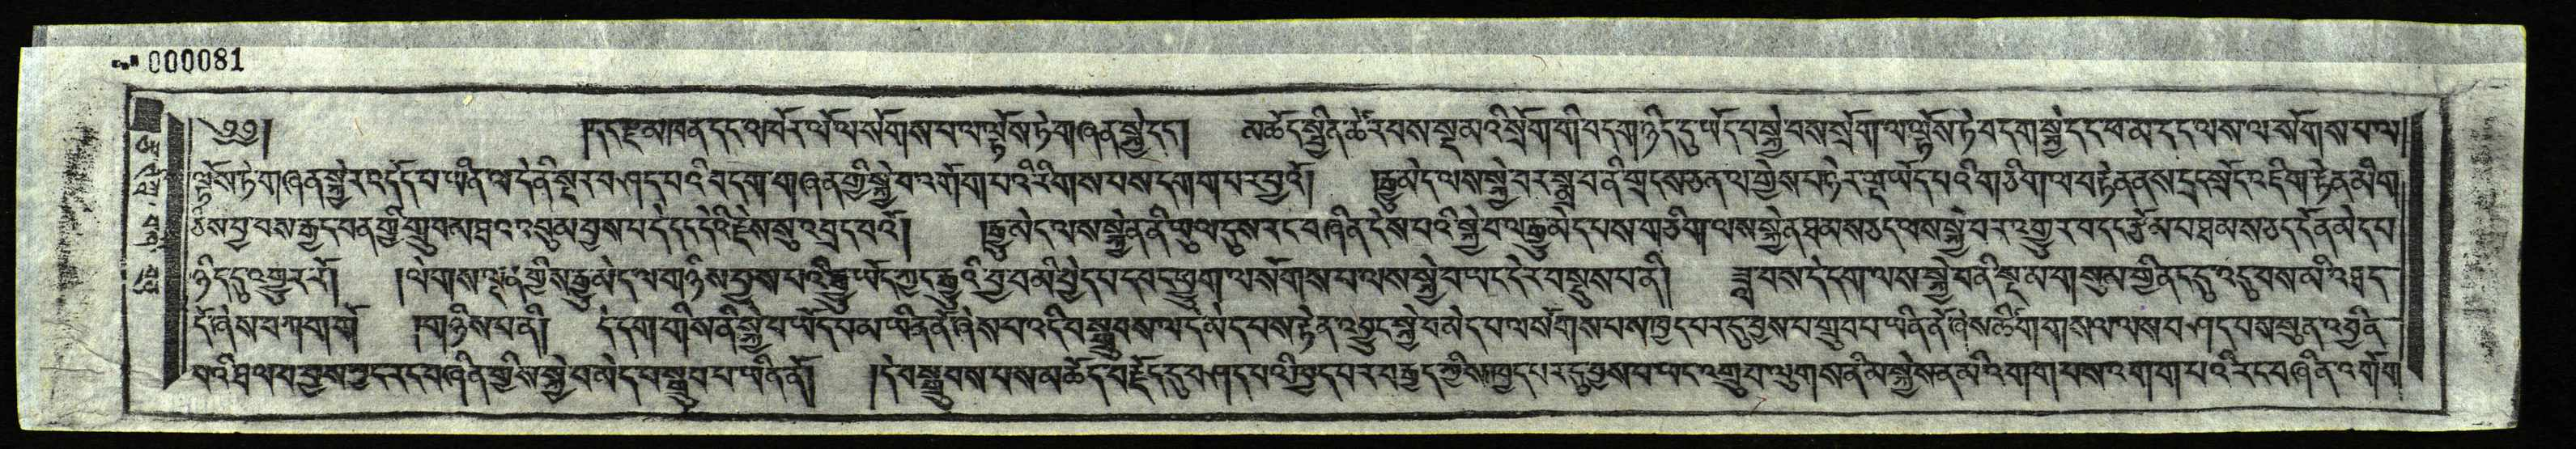༄༅། །དང་རྫ་མཁན་དང་འཁོར་ལོ་ལ་སོགས་པ་ལ་ལྟོས་ཏེ་གཞན་སྐྱེ་དང་། མཆོད་སྦྱིན་ཚེ་རབས་སྔ་མའི་སྲོག་གི་བདག་ཉིད་དུ་ཡོད་པ་སྐྱེ་བས་སྲོག་ལ་ལྟོས་ཏེ་བདག་སྐྱེ་དང་ཕ་མ་དང་ལས་ལ་སོགས་པ་ལ་
ལྟོས་ཏེ་གཞན་སྐྱེར་འདོད་པ་ཡིན་ལ་དེ་ནི་སྔར་བཤད་པའི་བདག་གཞན་གྱི་སྐྱེ་བ་འགོག་པའི་རིགས་པས་དགག་པར་བྱའོ། །རྒྱུ་མེད་ལས་སྐྱེ་བར་སྨྲ་བ་ནི་གྲངས་ཅན་ལ་གྱེས་པ་ཉེར་ལྔ་ཡོད་པའི་གཅིག་ལ་བརྟེན་ནས་དྲང་སྲོང་འཇིག་རྟེན་མིག་
ཅེས་བྱ་བས་རྒྱང་བན་གྱི་གྲུབ་མཐའ་འབུམ་བྱས་པ་དེ་དང་དེའི་རྗེས་སུ་འབྲང་བའོ། །རྒྱུ་མེད་ལས་སྐྱེ་ན་ནི་ཡུལ་དུས་རང་བཞིན་ངེས་པའི་སྐྱེ་བ་ལ་རྒྱུ་མེད་པས་གཅིག་ལས་སྐྱེན་ཐམས་ཅད་ལས་སྐྱེ་བར་འགྱུར་བ་དང་རྩོམ་པ་ཐམས་ཅད་དོན་མེད་པ་
ཉིད་དུ་འགྱུར་རོ། །ལེགས་ལྡན་གྱིས་རྒྱུ་མེད་ལ་གཉིས་བྱས་པའི་རྒྱུ་ཡོད་ཀྱང་རྒྱུའི་བྱ་བ་མི་བྱེད་པ་དབང་ཕྱུག་ལ་སོགས་པ་ལས་སྐྱེ་བ་ཡང་དེར་བསྡུས་པ་ནི། ཟླ་བས་དེ་དག་ལས་སྐྱེ་བ་ནི་སྔ་མ་གསུམ་གྱི་ནང་དུ་འདུ་བས་མི་འཐད་
དོ་ཞེས་བཀག་གོ །གཉིས་པ་ནི། དེ་དག་གིས་ནི་སྐྱེ་བ་ཡོད་པ་མ་ཡིན་ནོ་ཞེས་པ་འདི་བསྒྲུབས་ལ་དེ་མེད་པས་རྟེན་འབྱུང་སྐྱེ་བ་མེད་པ་ལ་སོགས་པས་ཁྱད་པར་དུ་བྱས་པ་གྲུབ་པ་ཡིན་ནོ་ཞེས་ཚིག་གསལ་ལས་བཤད་པས་སུན་འབྱིན་
བའི་ཐལ་བ་བྱས་ཀྱང་རང་བཞིན་གྱིས་སྐྱེ་བ་མེད་པ་སྒྲུབ་པ་ཡིན་ནོ། །དེ་བསྒྲུབས་པས་མཆོད་བརྗོད་དུ་བཤད་པའི་ཁྱད་པར་བརྒྱད་ཀྱིས་ཁྱད་པར་དུ་བྱས་པ་ཡང་འགྲུབ་ལུགས་ནི་མ་སྐྱེས་ན་མི་འགག་པས་འགག་པའི་རང་བཞིན་འགོག་